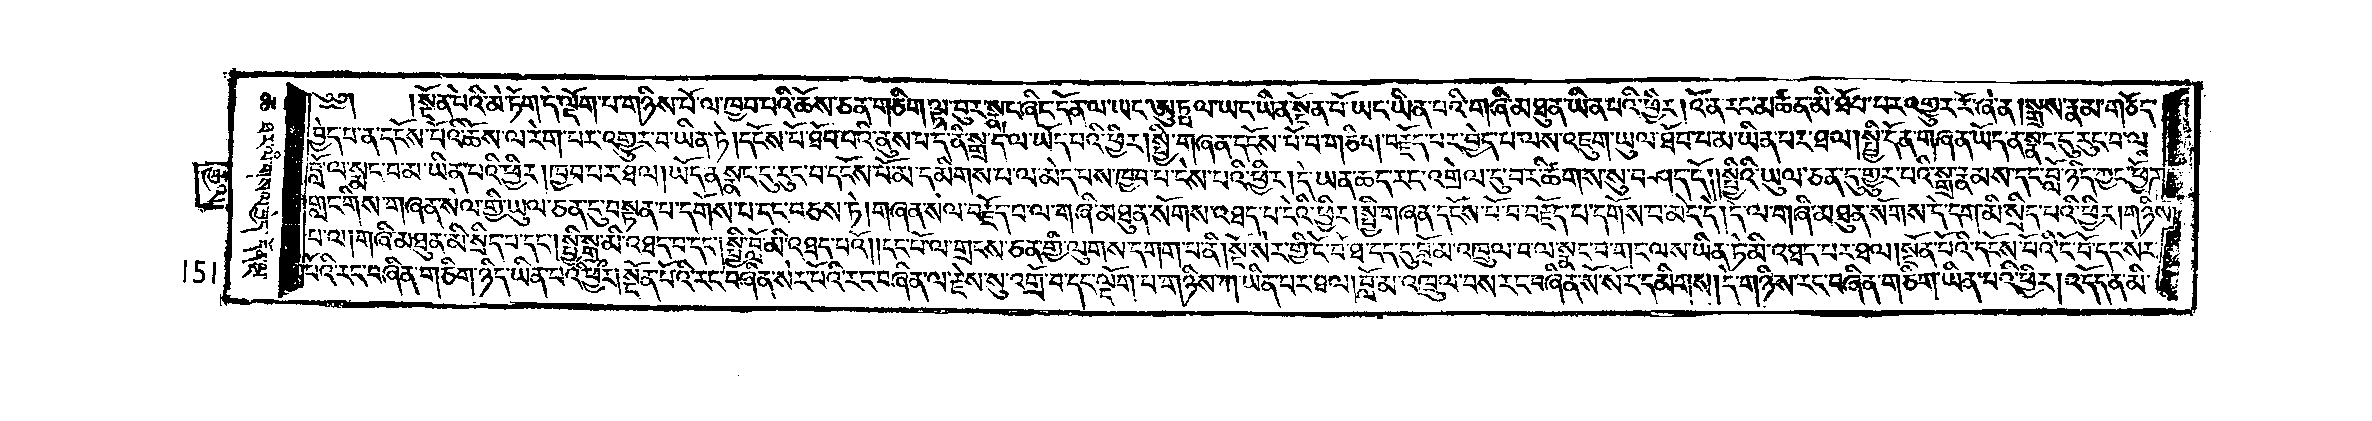༄༅། །སྔོན་པོའི་མེ་ཏོག་དེ་ལྡོག་པ་གཉིས་པོ་ལ་ཁྱབ་པའི་ཆོས་ཅན་གཅིག་ལྟ་བུར་སྣང་ཞིང་དོན་ལ་ཡང་ཨུཏྤལ་ཡང་ཡིན་སྔོན་པོ་ཡང་ཡིན་པའི་གཞི་མཐུན་ཡིན་པའི་ཕྱིར། འོ་ན་རང་མཚན་མི་ཐོབ་པར་འགྱུར་རོ་ཞེ་ན། སྒྲས་རྣམ་གཅོད་
བྱེད་པ་ན་དངོས་པོའི་ཆོས་ལ་རེག་པར་འགྱུར་བ་ཡིན་ཏེ། དངོས་པོ་ཐོབ་པའི་ནུས་པ་དེ་ནི་སྒྲ་དེ་ལ་ཡོད་པའི་ཕྱིར། སྤྱི་གཞན་དངོས་པོ་བ་གཅིག་བརྗོད་པར་བྱེད་པ་ལས་འཇུག་ཡུལ་ཐོབ་པ་མ་ཡིན་པར་ཐལ། སྤྱི་དོན་གཞན་ཡོད་ན་སྣང་དུ་རུང་བ་ལས་
བློ་ལ་སྣང་བ་མ་ཡིན་པའི་ཕྱིར། ཁྱབ་པར་ཐལ། ཡོད་ན་སྣང་དུ་རུང་བ་དངོས་པོ་མ་དམིགས་པ་ལ་མེད་པས་ཁྱབ་པ་ངེས་པའི་ཕྱིར། དེ་ཡན་ཆད་རང་འགྲེལ་དུ་བར་ཚིགས་སུ་བཤད་དོ། །སྤྱིའི་ཡུལ་ཅན་དུ་གྱུར་པའི་སྒྲ་རྣམས་དང་བློ་ཉིད་ཀྱང་ཕྱོགས་
གླང་གིས་གཞན་སེལ་གྱི་ཡུལ་ཅན་དུ་བསྟན་པ་དགོས་པ་དང་བཅས་ཏེ། གཞན་སེལ་བརྗོད་པ་ལ་གཞི་མཐུན་སོགས་འཐད་པ་དེའི་ཕྱིར། སྤྱི་གཞན་དངོས་པོ་བ་བརྗོད་པ་དགོས་པ་མེད་དེ། དེ་ལ་གཞི་མཐུན་སོགས་དེ་དག་མི་སྲིད་པའི་ཕྱིར། གཉིས་
པ་ལ། གཞི་མཐུན་མི་སྲིད་པ་དང་། སྤྱི་སྒྲ་མི་འཐད་པ་དང་། སྤྱི་བློ་མི་འཐད་པའོ། །དང་པོ་ལ་གྲངས་ཅན་གྱི་ལུགས་དགག་པ་ནི། སྔོ་སེར་གྱི་ངོ་བོ་ཐ་དད་དུ་བློ་མ་འཁྲུལ་བ་ལ་སྣང་བ་གང་ལས་ཡིན་ཏེ་མི་འཐད་པར་ཐལ། སྔོན་པོའི་དངོས་པོའི་ངོ་བོ་དང་སེར་
པོའི་རང་བཞིན་གཅིག་ཉིད་ཡིན་པའི་ཕྱིར། སྔོན་པོའི་རང་བཞིན་སེར་པོའི་རང་བཞིན་ལ་རྗེས་སུ་འགྲོ་བ་དང་ལྡོག་པ་གཉིས་ཀ་ཡིན་པར་ཐལ། བློ་མ་འཁྲུལ་བས་རང་བཞིན་སོ་སོར་དམིགས། དེ་གཉིས་རང་བཞིན་གཅིག་ཡིན་པའི་ཕྱིར། འདོད་ན་མི་